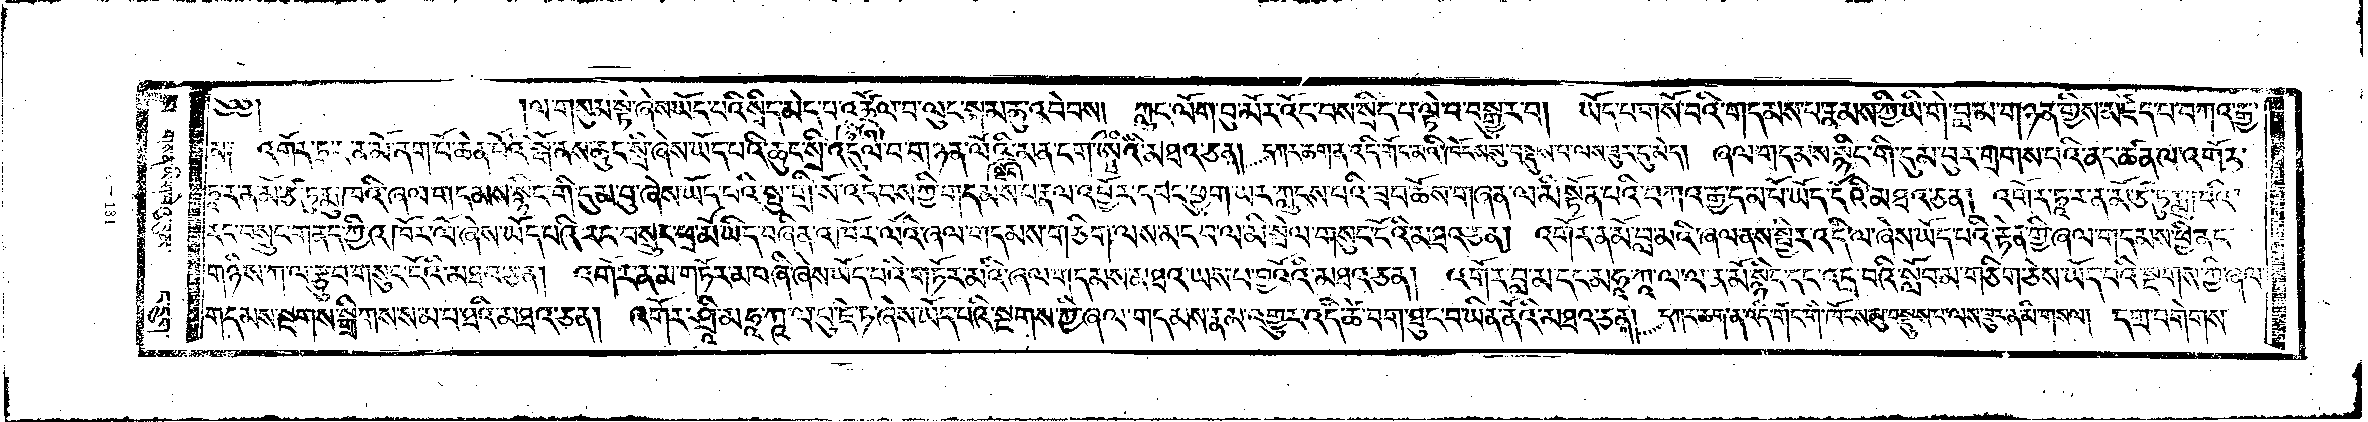༄༅། །ལ་གསུམ་སྟེ་ཞེས་ཡོད་པའི་སྲིད་མེད་བ་འཚོལ་བ་ལུང་སྐམ་ཆུ་འབེབས། ཀླུང་ལོག་བུ་མོར་འོང་བས་སྲིད་པ་ལྟེ་བ་བསྒྱུར་བ། ཡོད་པ་གསོ་བའི་གདམས་པ་རྣམས་ཀྱི་ཡི་གེ་བླ་མ་གཉན་གྱིས་མཛད་པ་བཀའ་རྒྱ་
མ༑ འགོར་ཏཱར་ན་མོ་ནག་པོ་ཆེན་པོའི་སྒོ་ནས་ཆུང་སྲིད་ཞེས་ཡོད་པའི་ཆུང་སྲི་འདུལ་བ་གཉན་ལོའི་མན་ངག་ཨཐིའི་མཐའ་ཅན། དཀར་ཆག་ན་འདི་གོང་མའི་ཁོངས་སུ་བསྡུས་པ་ལས་ཟུར་དུ་མེད།  ཞལ་གདམས་སྙིང་གི་དུམ་བུར་གྲགས་པའི་ནང་ཚན་ལ་འགོར་
ཏཱ་ར་ན་མོ་ཙ་ཏུ་རྨུ་ཁའི་ཞལ་གདམས་སྙིང་གི་དུམ་བུ་ཞེས་ཡོད་པའི་སྤུ་གྲི་སོ་འདེབས་ཀྱི་གདམས་པ་རྣལ་འབྱོར་དབང་ཕྱུག་ཡར་ཀླུངས་པའི་ཟབ་ཆོས་གཞན་ལ་མི་སྟོན་པའི་བཀའ་རྒྱ་དམ་པོ་ཡོད་དོའི་མཐའ་ཅན། འགོར་ཏཱ་ར་ན་མོ་ཙ་ཏུ་རྨུ་ཁའི་
རང་བསྲུང་གནད་ཀྱི་འཁོར་ལོ་ཞེས་ཡོད་པའི་རང་བསྲུང་ཕྲ་མོ་ཡིད་བཞིན་འཁོར་ལོའི་ཞལ་གདམས་གཅིག་ལས་མང་བ་ལ་མི་སྤེལ་གསུང་ངོའི་མཐའ་ཅན། འགོར་ན་མོ་བླ་མའི་ཞལ་ནས་སྤྱིར་འདི་ལ་ཞེས་ཡོད་པའི་རྟེན་གྱི་ཞལ་གདམས་ཕྱི་ནང་
གཉིས་ཀ་ལ་རྩུབ་གསུང་ངོའི་མཐའ་ཅན། འགོར་ན་མ་གཏོར་མ་བཞི་ཞེས་ཡོད་པའི་གཏོར་མའི་ཞལ་གདམས་མཐའ་ཡས་པ་བྱའོའི་མཐའ་ཅན། འགོར་བླ་མ་དང་མཧཱ་ཀཱ་ལ་ལན་མོ་སྙིང་དང་འདྲ་བའི་སློབ་མ་གཅིག་ཅེས་ཡོད་པའི་སྔགས་ཀྱི་ཞལ་
གདམས་སྔགས་སྒྲིགས་སམ་བ་ཐའི་མཐའ་ཅན། འགོར་ཤྲཱི་མཧཱ་ཀཱ་ལ་བུ་ཇེ་ཏ་ཞེས་ཡོད་པའི་སྔགས་ཀྱི་ཞལ་གདམས་རྣམ་འགྱུར་འདི་ཚེ་བག་ཐུང་བ་ཡིན་ནོའི་མཐའ་ཅན། དཀར་ཆག་ན་འདི་གོང་གི་ཁོངས་མུ་བསྡུས་པ་ལས་ཟུར་ན་མི་གསལ།  དགྲ་བགེགས་